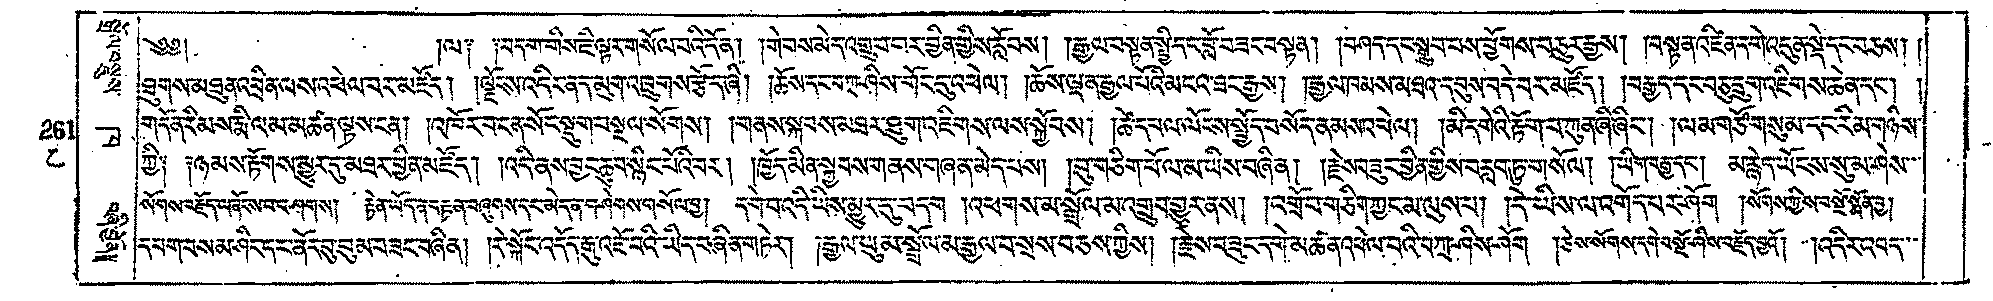༄༅། །ལ༑ ༑བདག་གིས་ཇི་ལྟར་གསོལ་བའི་དོན། །གེགས་མེད་འགྲུབ་པར་བྱིན་གྱིས་རློབས། །རྒྱལ་བསྟན་སྤྱི་དང་བློ་བཟང་བསྟན། །བཤད་དང་སྒྲུབ་པས་ཕྱོགས་བཅུར་རྒྱས། །བསྟན་འཛིན་དགེ་འདུན་སྡེ་དང་བཅས། །
ཐུགས་མཐུན་འཕྲིན་ལས་འཕེལ་བར་མཛོད། །ལྗོངས་འདིར་ནད་མུག་འཁྲུགས་རྩོད་ཞི། །ཆོས་དང་བཀྲ་ཤིས་གོང་དུ་འཕེལ། །ཆོས་ལྡན་རྒྱལ་པོའི་མངའ་ཐང་རྒྱས། །རྒྱལ་ཁམས་མཐའ་དབུས་བདེ་པར་མཛོད། །བརྒྱད་དང་བཅུ་དྲུག་འཇིགས་ཆེན་དང་། །
གདོན་རིམས་རྨི་ལམ་མཚན་ལྟས་ངན། །འཁོར་བ་ངན་སོང་སྡུག་བསྔལ་སོགས། །གནས་སྐབས་མཐར་ཐུག་འཇིགས་ལས་སྐྱོབས། །ཚེ་དཔལ་ལོངས་སྤྱོད་བསོད་ནམས་འཕེལ། །མི་དགེའི་རྟོག་པ་ཀུན་ཞི་ཞིང་། །ལམ་གཙོ་གསུམ་དང་རིམ་གཉིས་
ཀྱི༑ ༑ཉམས་རྟོགས་མྱུར་དུ་མཐར་ཕྱིན་མཛོད། །འདི་ནས་བྱང་ཆུབ་སྙིང་པོའི་བར། །ཁྱོད་མིན་སྐྱབས་གནས་གཞན་མེད་པས། །བུ་གཅིག་པོ་ལ་མ་ཡིས་བཞིན། །རྗེས་བཟུང་བྱིན་གྱིས་བརླབ་ཏུ་གསོལ། །ཡིག་བརྒྱ་དང་།  མ་རྙེད་ཡོངས་སུ་མ་ཤེས་་་
སོགས་བརྗོད་ལ་ནོངས་པ་བཤགས། རྟེན་ཡོད་ན་བརྟན་བཞུགས་དང་མེད་ན་གཤེགས་གསོལ་བྱ།  དགེ་བ་འདི་ཡིས་མྱུར་དུ་བདག །འཕགས་མ་སྒྲོལ་མ་འགྲུབ་གྱུར་ནས། །འགྲོ་བ་གཅིག་ཀྱང་མ་ལུས་པ། །དེ་ཡི་ས་ལ་འགོད་པར་ཤོག་།སོགས་ཀྱིས་བསྔོ་སྨོན་བྱ།
དཔག་བསམ་ཤིང་དང་ནོར་བུ་བུམ་བཟང་བཞིན། །རེ་སྐོང་འདོད་རྒུ་འཇོ་བའི་ཡིད་བཞིན་གཏེར། །རྒྱལ་ཡུམ་སྒྲོལ་མ་རྒྱལ་བ་སྲས་བཅས་ཀྱིས། །རྗེས་བཟུང་དགེ་མཚན་འཕེལ་བའི་བཀྲ་ཤིས་ཤོག་།ཅེས་སོགས་དགེ་བསྔོ་ཤིས་བརྗོད་བྱའོ།  །འདིར་འབད་་་